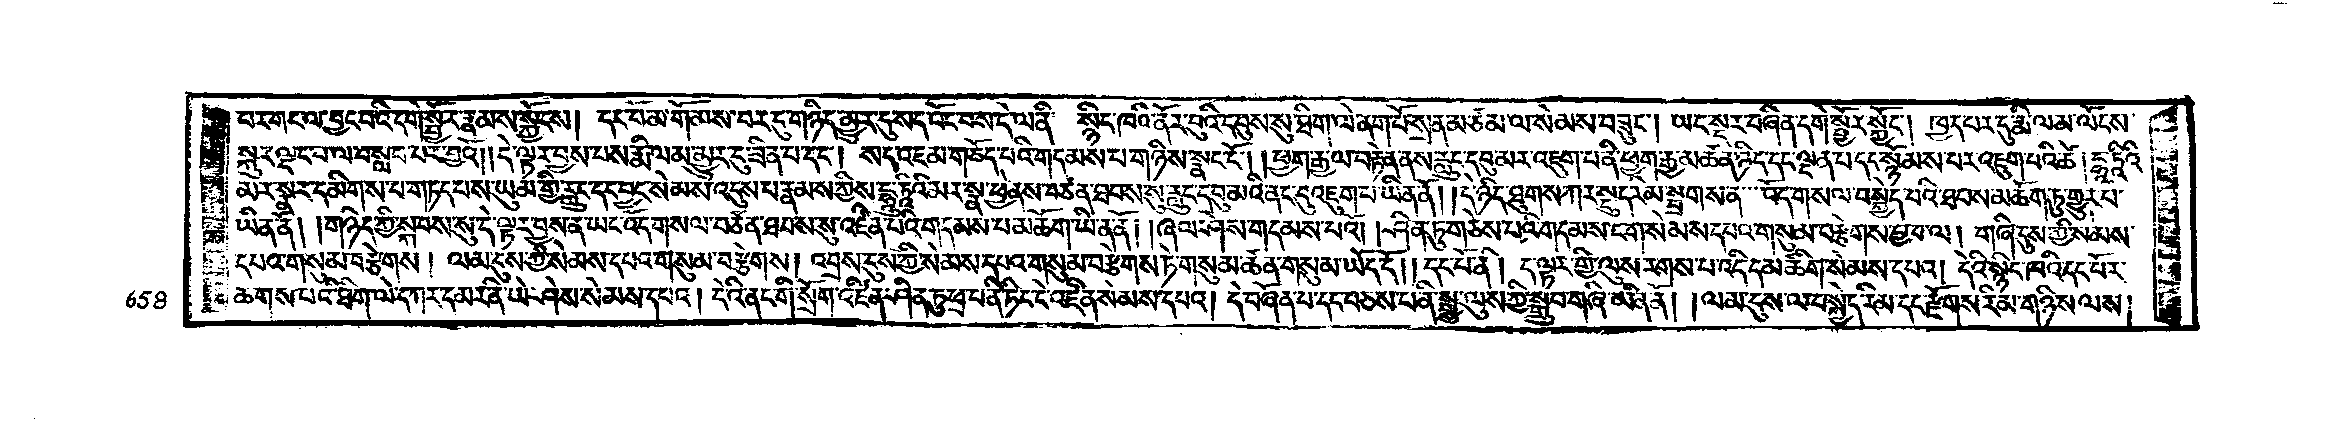པར་གང་ལ་བྱང་བའི་དགེ་སྦྱོར་རྣམས་སྐྱོངས། དང་པོ་མ་གོམས་བར་དུ་གཉིད་མྱུར་དུ་སད་འོང་བས་དེ་ལ་ནི་སྙིང་ཁའི་ནོར་བུའི་དབུས་སུ་ཐིག་ལེ་ནག་པོ་སྲན་མ་ཙམ་ལ་སེམས་བཟུང་། ཡང་སྔར་བཞིན་དགེ་སྦྱོར་སྐྱོང་། ཁྱད་པར་དུ་རྨི་ལམ་ལོངས་
སྐུར་ལྡང་བ་ལ་བསླབ་པར་བྱའོ། །དེ་ལྟར་བྱས་པས་རྨི་ལམ་མྱུར་དུ་ཟིན་པ་དང་། སད་འཇམ་གཅོད་པའི་གདམས་པ་གཉིས་སྣང་ངོ། །ཕྱག་རྒྱ་ལ་བརྟེན་ནས་རླུང་དབུ་མར་འཇུག་པ་ནི་ཕྱག་རྒྱ་མཚན་ཉིད་དང་ལྡན་པ་དང་སྙོམས་པར་འཇུག་པའི་ཚེ། དྷཱུ་ཏཱིའི་
མར་སྣར་དམིགས་པ་གཏད་པས་ཡུམ་གྱི་རླུང་དང་བྱང་སེམས་འདུས་པ་རྣམས་ཀྱིས་དྷཱུ་ཏཱིའི་མར་སྣ་ཕྱེ་ནས་བཙན་ཐབས་སུ་རླུང་དབུ་མའི་ནང་དུ་འཇུག་པ་ཡིན་ནོ། །དེ་ཉིད་ཐུགས་ཀར་སྡུད་རིམ་སྦྲགས་ན་?་འོད་གསལ་བསྐྱེད་པའི་ཐབས་མཆོག་ཏུ་གྱུར་པ་
ཡིན་ནོ། །གཉིད་ཀྱི་སྐབས་སུ་དེ་ལྟར་བྱས་ན་ཡང་འོད་གསལ་བཙན་ཐབས་སུ་འཛིན་པའི་གདམས་པ་མཆོག་ཡིན་ནོ། །ཞལ་ཤེས་གདམས་པའོ། །ཤིན་ཏུ་གཅེས་པའི་གདམས་ངག་སེམས་དཔའ་གསུམ་བརྩེགས་བྱ་བ་ལ། གཞི་དུས་ཀྱི་སེམས་
དཔའ་གསུམ་བརྩེགས། ལམ་དུས་ཀྱི་སེམས་དཔའ་གསུམ་བརྩེགས། འབྲས་དུས་ཀྱི་སེམས་དཔའ་གསུམ་བརྩེགས་ཏེ་གསུམ་ཚན་གསུམ་ཡོད་དོ། །དང་པོ་ནི། ད་ལྟར་གྱི་ལུས་རགས་པ་འདི་དམ་ཚིག་སེམས་དཔའ། དེའི་སྙིང་ཁའི་དང་པོར་
ཆགས་པའི་ཐིག་ལེ་དཀར་དམར་ནི་ཡེ་ཤེས་སེམས་དཔའོ། དེའི་ནང་གི་སྲོག་འཛིན་ཤིན་ཏུ་ཕྲ་བ་ནི་ཏིང་ངེ་འཛིན་སེམས་དཔའ། དེ་བཞོན་པ་དང་བཅས་པ་ནི་སྒྱུ་ལུས་ཀྱི་སྒྲུབ་གཞི་ཡིན་ནོ། །ལམ་དུས་ལ་བསྐྱེད་རིམ་དང་རྫོགས་རིམ་གཉིས་ལས།